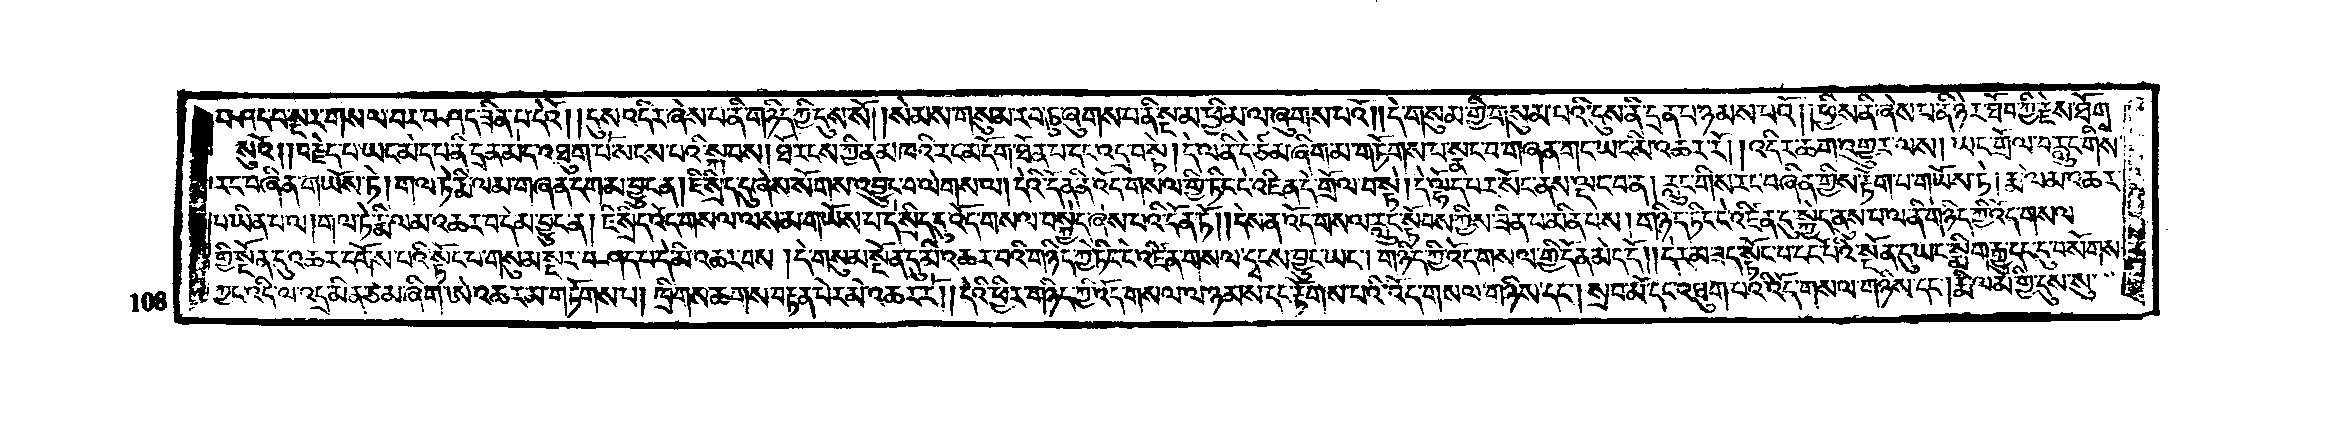བཤད་པ་སྔར་གསལ་བར་བཤད་ཟིན་པ་དེའོ། །དུས་འདིར་ཞེས་པ་ནི་གཉིད་ཀྱི་དུས་སོ། །སེམས་གསུམ་རབ་ཏུ་ཞུགས་པ་ནི་སྔ་མ་ཕྱི་མ་ལ་ཞུགས་པའོ། །དེ་གསུམ་གྱི་གསུམ་པའི་དུས་ནི་དྲན་པ་ཉམས་པའོ། །ཕྱིས་ནི་ཞེས་པ་ནི་ཉེར་ཐོབ་ཀྱི་རྗེས་ཐགས་
སུའོ། །བརྗེད་པ་ཡང་མེད་པ་ནི་དྲན་མེད་འཐུག་པོ་སངས་པའི་སྐབས། ཐོ་རངས་ཀྱི་ནམ་མཁའི་རང་མདོག་ཐོན་པ་དང་འདྲ་བ་སྟེ། དེ་ལ་ནི་དེ་ཙམ་ཞིག་མ་གཏོགས་པ་སྣང་བ་གཞན་གང་ཡང་མི་འཆར་རོ། །འདིར་ཆག་འགྱུར་ལས། ཡང་གྲོལ་བ་རླུང་གིས་
རང་བཞིན་གཡོས་ཏེ། གལ་ཏེ་རྨི་ལམ་གཞན་དག་མ་བྱུང་ན། ཇི་སྲིད་དུ་ཞེས་སོགས་འབྱུང་བ་ལེགས་ལ། དེའི་དོན་ནི་འོད་གསལ་གྱི་ཏིང་ངེ་འཛིན་དེ་གྲོལ་བ་སྟེ། དེ་ལྷོད་པར་སོང་ནས་ལྡང་བ་ན། རླུང་གིས་རང་བཟྣིན་གྱིས་རྟོག་པ་གཡོས་ཏེ། རྨི་ལམ་འཆར་
བ་ཡིན་པ་ལ། གལ་ཏེ་རྨི་ལམ་འཆར་བ་དེ་མ་བྱུང་ན། ཇི་སྲིད་འོད་གསལ་ལས་མ་གཡེས་པ་དེ་སྲིད་དུ་འོད་གསལ་བསྐྱེད་ཞེས་པའི་དོན་ཏོ། །དེས་ན་འོད་གསལ་རླུང་སྟོབས་ཀྱིས་ཟིན་པ་མིན་པས། གཉིད་ཏིང་ངེ་འཛིན་དུ་སྐྱེད་ནུས་པ་ལ་ནི་གཉིད་ཀྱི་འོད་གསལ་
གྱི་སྔོན་དུ་འཆར་དགོས་པའི་སྟོང་པ་གསུམ་སྔར་བཤད་པ་དེ་མི་འཆར་བས། དེ་གསུམ་སྔོན་དུ་མི་འཆར་བའི་གཉིད་ཀྱི་ཏིང་ངེ་འཛིན་གསལ་དྭངས་བྱུང་ཡང་། གཉིད་ཀྱི་འོད་གསལ་གྱི་དོན་མེད་དོ། །དེར་མ་ཟད་སྟོང་པ་དང་པོའི་སྔོན་དུ་ཡང་སྨིག་རྒྱུ་དང་དུ་བ་སོགས་
ཀྱང་འདྲ་ལ་འདྲ་མིན་ཙམ་ཞིག་ཨེ་འཆར་མ་གཏེགས་པ། ཁྲིགས་ཆགས་བརྟན་པོར་མི་འཆར་རོ། །དེའི་ཕྱིར་གཉིད་ཀྱི་འོད་གསལ་ལ་ཉམས་དང་རྟོགས་པའི་འོད་གསལ་གཉིས་དང་། སྲབ་མོ་དང་འཐུག་པོའི་འོད་གསལ་གཉིས་དང་། རྨི་ལམ་གྱི་དུས་སུ་